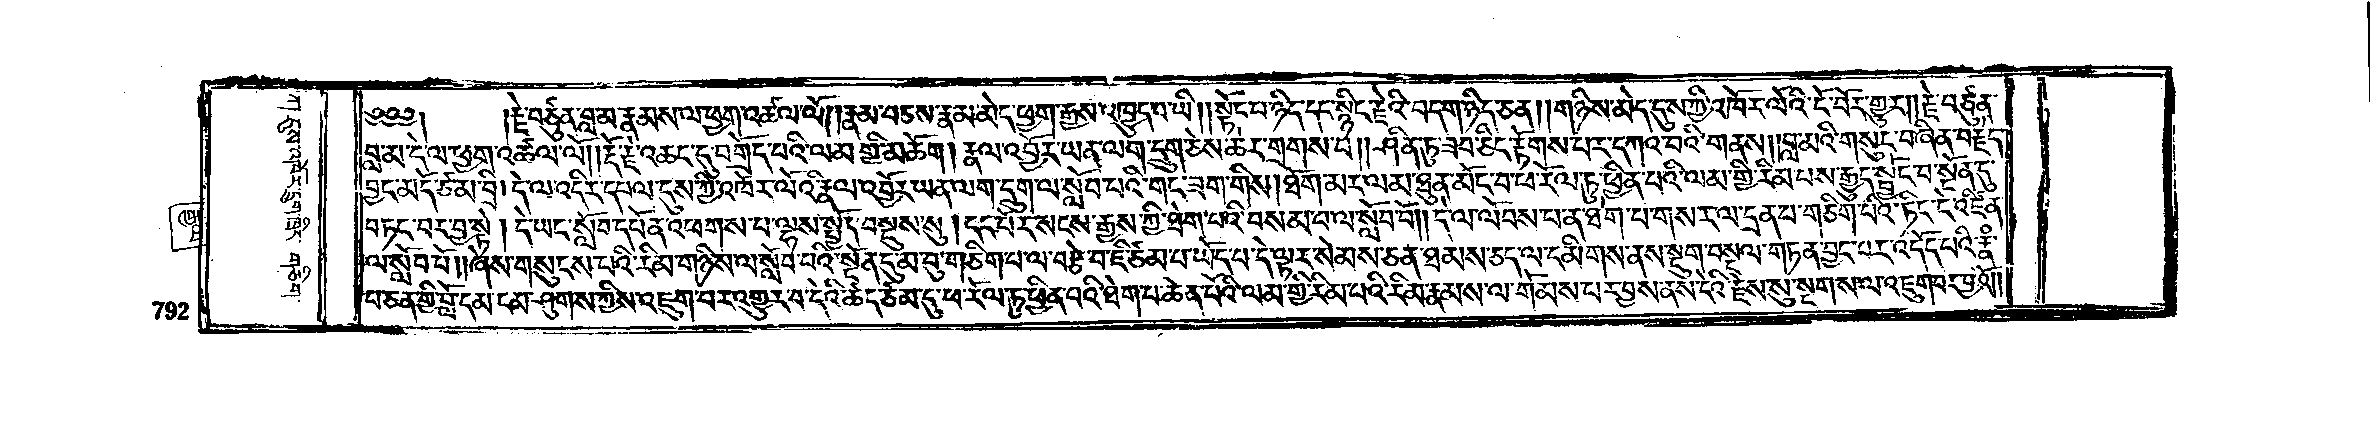༄༅༅། །རྗེ་བཙུན་བླ་མ་རྣམས་ལ་ཕྱག་འཚལ་ལོ། །རྣམ་བཅས་རྣམ་མེད་ཕྱག་རྒྱས་འཁྱུད་པ་ཡི། །སྟོང་པ་ཉིད་དང་སྙིང་རྗེའི་བདག་ཉིད་ཅན། །གཉིས་མེད་དུས་ཀྱི་འཁོར་ལོའི་ངོ་བོར་གྱུར། །རྗེ་བཙུན་
བླ་མ་དེ་ལ་ཕྱག་འཚལ་ལོ། །རྡོ་རྗེ་འཆང་དུ་བགྲོད་པའི་ལམ་གྱི་མཆོག །རྣལ་འབྱོར་ཡན་ལག་དྲུག་ཅེས་ཆེར་གྲགས་པ། །ཤིན་ཏུ་ཟབ་ཅིང་རྟོགས་པར་དཀའ་བའི་གནས། །བླ་མའི་གསུང་བཞིན་བརྗེད་
བྱང་མདོ་ཙམ་བྲི། དེ་ལ་འདིར་དཔལ་དུས་ཀྱི་འཁོར་ལོའི་རྣལ་འབྱོར་ཡན་ལག་དྲུག་ལ་སློབ་པའི་གང་ཟག་གིས། །ཐོག་མར་ལམ་ཐུན་མོང་བ་ཕ་རོལ་ཏུ་ཕྱིན་པའི་ལམ་གྱི་རིམ་པས་རྒྱུད་སྦྱོང་བ་སྔོན་དུ་
བཏང་བར་བྱ་སྟེ། དེ་ཡང་སློབ་དཔོན་འཕགས་པ་ལྷས་སྤྱོད་བསྡུས་སུ། དང་པོར་སངས་རྒྱས་ཀྱི་ཐེག་པའི་བསམ་པ་ལ་སློབ་བོ། །དེ་ལ་ལོབས་པ་ན་ཐེག་པ་གསར་ལ་དྲན་པ་གཅིག་པའི་ཏིང་ངེ་འཛིན་
ལ་སློབ་བོ། །ཞེས་གསུངས་པའི་རིམ་གཉིས་ལ་སློབ་པའི་སྔོན་དུ་མ་བུ་གཅིག་པ་ལ་བརྩེ་བ་ཇི་ཙམ་པ་ཡོད་པ་དེ་ལྟར་སེམས་ཅན་ཐམས་ཅད་ལ་དམིགས་ནས་སྡུག་བསྔལ་གཏན་བྱང་བར་འདོད་པའི་རྣམ་
པ་ཅན་གྱི་བློ་དམ་ངམ་ཤུགས་ཀྱིས་འཇུག་པར་འགྱུར་བ་དེའི་ཚད་ཙམ་དུ་ཕ་རོལ་ཏུ་ཕྱིན་པའི་ཐེག་པ་ཆེན་པོའི་ལམ་གྱི་རིམ་པའི་རིམ་རྣམས་ལ་གོམས་པར་བྱས་ནས་དེའི་རྗེས་སུ་སྔགས་ལ་འཇུག་པར་བྱའོ། །